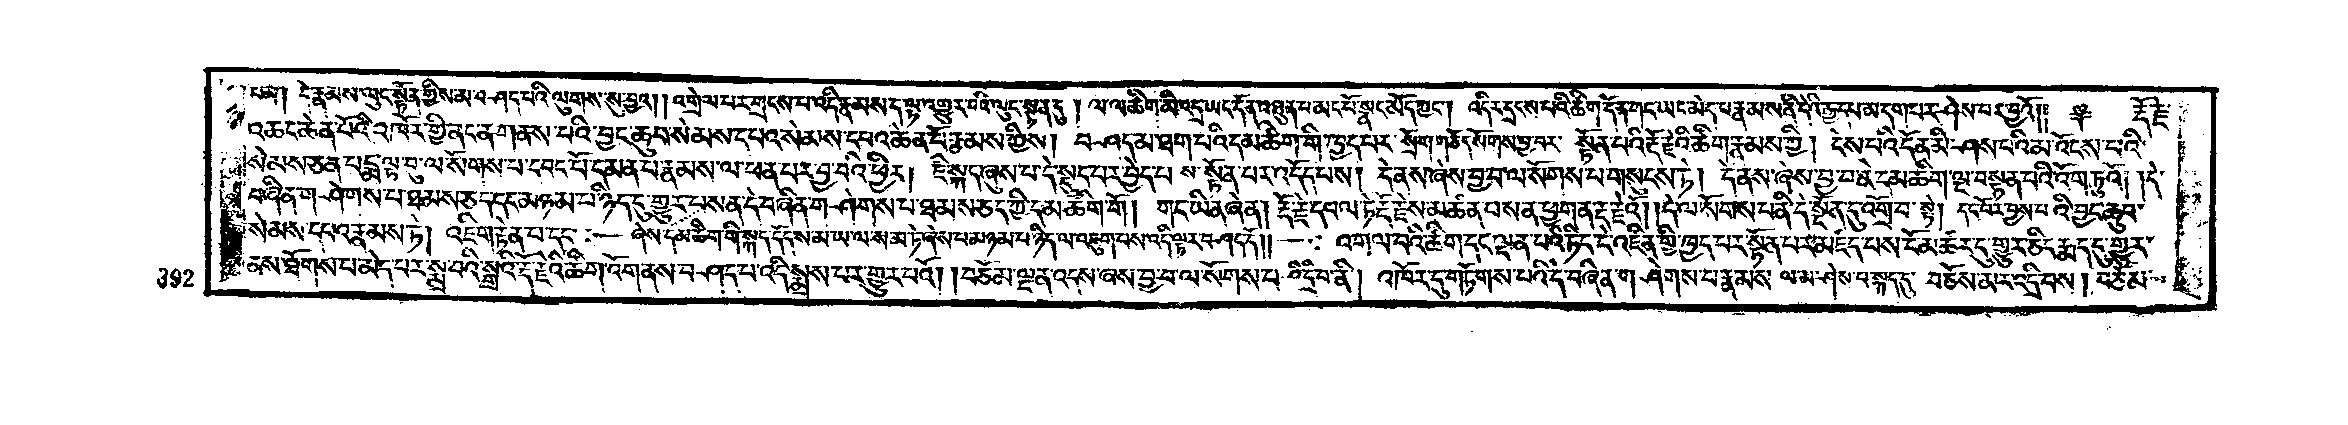པས། དེ་རྣམས་ལུང་སྟོན་གྱིས་མ་བཤད་པའི་ལུགས་སུ་བྱའོ། །འགྲེལ་པར་གངས་པ་འདི་རྣམས་ད་ལྟ་འགྱུར་བའི་ལུང་སྟན་དུ། ལམ་ཚིག་མི་འདྲ་ཡང་དོན་འཐུན་པ་མང་པོ་སྣང་མོད་ཀྱང་། འདིར་དྲངས་པའི་ཚིག་དོན་གང་ཡང་མེད་པ་རྣམས་ནི་དེའི་རྒྱ་དཔེ་མ་དག་པར་ཤེས་པར་བྱའོ།། ༈ རྡོ་རྗེ་
འཆང་ཆེན་པོའི་འཁོར་གྱི་ནང་ན་གནས་པའི་བྱང་ཆུབ་སེམས་དཔའ་སེམས་དཔའ་ཆེན་པོ་རྣམས་ཀྱིས། བཤད་མ་ཐག་པའི་དམ་ཚིག་གི་ཁྱད་པར་སྲོག་གཅོད་སོགས་བྱ་བར་སྟོན་པའི་རྡོ་རྗེའི་ཚིག་རྣམས་ཀྱི། ངེས་པའི་དོན་མི་ཤས་པའི་མ་འོངས་པའི་
སེམས་ཅན་པདམ་ལྟ་བུ་ལ་སོགས་པ་དབང་པོ་དམན་པ་རྣམས་ལ་ཕན་པར་བྱ་བའི་ཕྱིར། ཇི་སྐད་ཞུས་པ་དེ་སྡུད་པར་བྱེད་པས་སྟོན་པར་འདོད་པས། དེ་ནས་ཞེས་བྱ་བ་ལ་སོགས་པ་གསུངས་ཏེ། དེ་ནས་ཞེས་བྱ་བ་ནི་དམ་ཚིག་ལྔ་བསྟན་པའི་འོག་ཏུའོ། །དེ་
བཞིན་གཤེགས་པ་ཐམས་ཅད་དང་མཉམ་པ་ཉིད་དུ་གྱུར་པས་ན་དེ་བཞིན་གཤེགས་པ་ཐམས་ཅད་ཀྱི་དམ་ཚིག་གོ །གང་ཡིན་ཞེ་ན། རྡོ་རྗེ་དཔལ་ཏེ་རྡོ་རྗེས་མཚན་པས་ན་ཕྱག་ན་རྡོ་རྗེའོ། །དེ་ལ་སོགས་པ་ནི་དེ་སྔོན་དུ་འགྲོ་བ་སྟེ། དང་པོར་བྱས་པའི་བྱང་ཆུབ་
སེམས་དཔའ་རྣམས་ཏེ། འཇིག་རྟེན་པ་དང་H.་ཞེས་དམ་ཚིག་གི་སྐད་དོད་ས་མ་ཡ་ལ་ས་མ་ཏེ་ཞེས་པ་མཉམ་པ་ཉིད་ལ་འཇུག་པས་འདི་ལྟར་བཤད་དོ།།  འགལ་བའི་ཚིག་དང་ལྡན་པའི་ཏིང་ངེ་འཛིན་གྱི་ཁྱད་པར་སྟོན་པར་མཛད་པས་ངོ་མཚར་དུ་གྱུར་ཅིང་རྨད་དུ་གྱུར་
ནས་ཐོགས་པ་མེད་པར་སྨྲ་བའི་སྒྲའི་རྡོ་རྗེའི་ཚིག་འོག་ནས་བཤད་པ་འདི་སྨྲས་པར་གྱུར་པའོ། །བཅོམ་ལྡན་འདས་ཞེས་བྱ་བ་ལ་སོགས་པའི་དྲི་བ་ནི།  འཁོར་དུ་གཏོགས་པའི་དེ་བཞིན་གཤེགས་པ་རྣམས་ལ་མ་ཤེས་པ་སྐད་དུ་བཅོས་མར་འདྲི་བས། བཅོ་